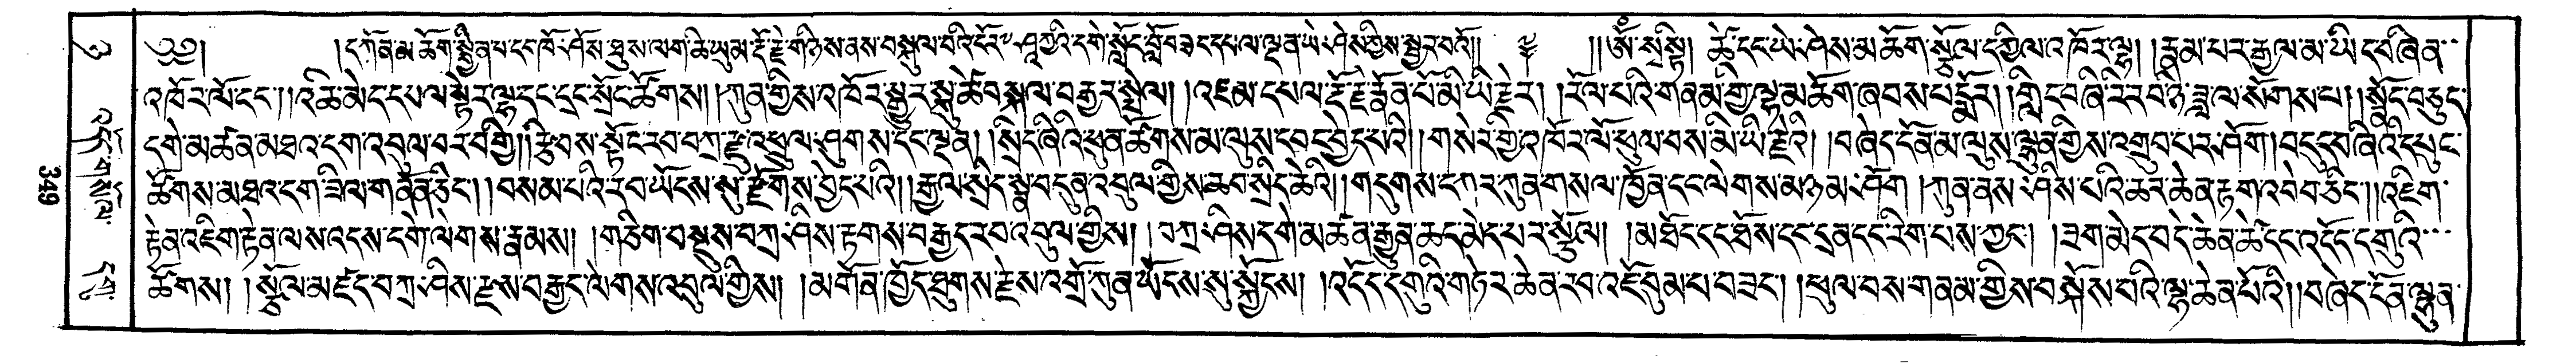༄༅། །དཀོན་མཆོག་སྦྱིན་པ་དང་ཁོ་ཤོས་ཐུ་ས་ལག་ཆི་ཡུམ་རྡོ་རྗེ་གཉིས་ནས་བསྐུལ་བའི་དར ༧ཤཱཀྱའི་དགེ་སློང་བློ་བཟང་དཔལ་ལྡན་ཡེ་ཤེས་ཀྱིས་སྦྱར་བའོ།། ༈ །།ཨོཾ་སྭསྟི། ཚེ་དང་ཡེ་ཤེས་མཆོག་སྩོལ་དཀྱིལ་འཁོར་ལྷ། །རྣམ་པར་རྒྱལ་མ་ཡིད་བཞིན་
འཁོར་ལོ་དང་། །འཆི་མེད་དཔལ་སྟེར་ལྷ་དང་དྲང་སྲོང་ཚོགས། །ཀུན་གྱིས་འཁོར་སྒྱུར་སྐུ་ཚེ་བསྐལ་བརྒྱར་སྦེལ། །འཇམ་དཔལ་རྡོ་རྗེ་རྣོན་པོ་མི་ཡི་རྗེར། །རོལ་པའི་གནམ་གྱི་ལྷ་མཆོག་ཞབས་པདམོར། །གླིང་བཞི་རི་རབ་ཉི་ཟླ་ལ་སོགས་པ། །སྣོད་བཅུད་
དགེ་མཚན་མཐའ་དག་འབུལ་བར་བགྱི། །རྩིབས་སྟོང་རབ་བཀྲ་རྫུ་འཕྲུལ་ཤུགས་དང་ལྡན། །སྲིད་ཞིའི་ཕུན་ཚོགས་མ་ལུས་དབང་བྱེད་པའི། །གསེར་གྱི་འཁོར་ལོ་ཕུལ་བས་མི་ཡི་རྗེའི། །བཞེད་དོན་མ་ལུས་ལྷུན་གྱིས་འགྲུབ་པར་ཤོག །བདུད་བཞིའི་དཔུང་
ཚོགས་མཐའ་དག་ཟིལ་གནོན་ཅིང་། །བསམ་པའི་རེ་བ་ཡོངས་སུ་རྫོགས་བྱེད་པའི། །རྒྱལ་སྲིད་སྣ་བདུན་འབུལ་གྱིས་ཆབ་སྲིད་ཆེའི། །གདུགས་དཀར་ཀུན་གསལ་ཁྱོན་དང་ལེགས་མཉམ་ཤོག །ཀུན་ནས་ཤིས་པའི་ཆར་ཆེན་རྟག་འབེབ་ཅིང་། །འཇིག་
རྟེན་འཇིག་རྟེན་ལས་འདས་དགེ་ལེགས་རྣམས། །གཅིག་བསྡུས་བཀྲ་ཤིས་རྟགས་བརྒྱད་རབ་འབུལ་གྱིས། །བཀྲ་ཤིས་དགེ་མཚན་རྒྱུན་ཆད་མེད་པར་སྩོལ། །མཐོང་དང་ཐོས་དང་དྲན་དང་རེག་པས་ཀྱང་། །ཟག་མེད་བདེ་ཆེན་ཚེ་དང་འདོད་དགུའི་
ཚོགས། །སྩོལ་མཛད་བཀྲ་ཤིས་རྫས་བརྒྱད་ལེགས་འབུལ་གྱིས། །མགོན་ཁྱོད་ཐུགས་རྗེས་འགྲོ་ཀུན་ཡོངས་སུ་སྐྱོངས། །འདོད་དགུའི་གཏེར་ཆེན་རབ་འཇོ་བུམ་པ་བཟང་། །ཕུལ་བས་གནམ་གྱིས་བསྐོས་པའི་ལྷ་ཆེན་པོའི། །བཞེད་དོན་ལྷུན་